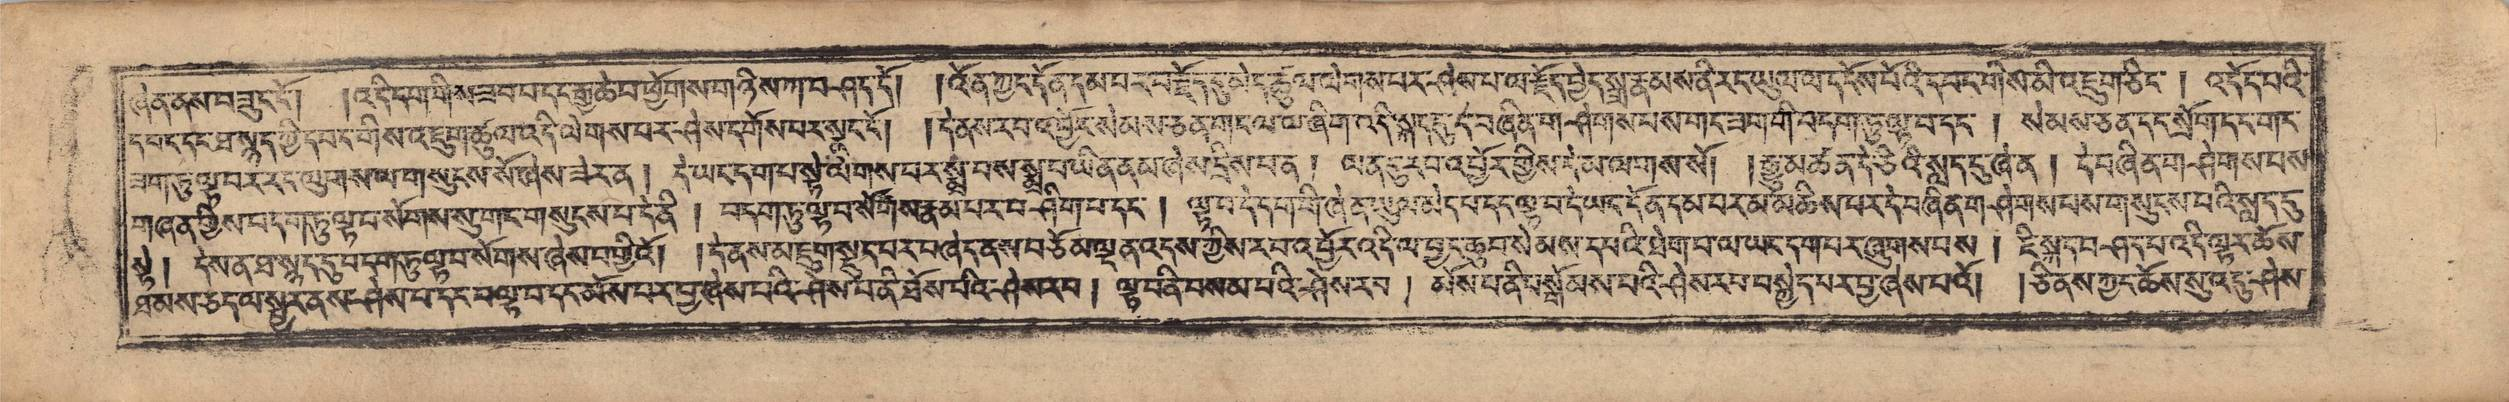ཞེན་ནས་བཟུང་ངོ། །འདི་དག་གིས་ཟབ་པ་དང་རྒྱ་ཆེ་བ་ཕྱོགས་གཉིས་ཀ་བཤད་དོ། །འོན་ཀྱང་དོན་དམ་པར་བརྗོད་དུ་མེད་ཚུལ་ལེགས་པར་ཤེས་པ་ལ་རྗོད་བྱེད་སྒྲ་རྣམས་ནི་རང་ཡུལ་ལ་དངོས་པོའི་དབང་གིས་མི་འཇུག་ཅིང་། འདོད་པའི་
དབང་དང་ཐ་སྙད་ཀྱི་དབང་གིས་འཇུག་ཚུལ་འདི་ལེགས་པར་ཤེས་དགོས་པར་སྣང་ངོ། །དེ་ནས་རབ་འབྱོར་སེམས་ཅན་གང་ལ་ལ་ཞིག་འདི་སྐད་དུ་དེ་བཞིན་གཤེགས་པས་གང་ཟག་གི་བདག་ཏུ་ལྟ་བ་དང་། སེམས་ཅན་དང་སྲོག་དང་གང་
ཟག་ཏུ་ལྟ་བར་རང་ལུགས་ལ་གསུངས་སོ་ཞེས་ཟེར་ན། དེ་ཡང་དག་པ་སྟེ་ལེགས་པར་སྨྲ་བས་སྨྲ་བ་ཡིན་ནམ་ཞེས་བྲིས་པ་ན། ལན་དུ་རབ་འབྱོར་གྱིས་དེ་མ་ལགས་སོ། །རྒྱུ་མཚན་དེ་ཅིའི་སླད་དུ་ཞེ་ན། དེ་བཞིན་གཤེགས་པས་
གཞན་གྱིས་བདག་ཏུ་ལྟ་བ་སོགས་སུ་གང་གསུངས་པ་དེ་ནི། བདག་ཏུ་ལྟ་བ་སོགས་རྣམ་པར་བཤིག་པ་དང་། ལྟ་བ་དེ་དག་གི་ཞེན་ཡུལ་མེད་པ་དང་ལྟ་བ་དེ་ཡང་དོན་དམ་པར་མ་མཆིས་པར་དེ་བཞིན་གཤེགས་པས་གསུངས་པའི་སླད་དུ་
སྟེ། དེས་ན་ཐ་སྙད་དུ་བདག་ཏུ་ལྟ་བ་སོགས་ཞེས་བགྱིའོ། །དེ་ནས་འཇུག་སྡུད་པར་བཞེད་ནས་བཅོམ་ལྡན་འདས་ཀྱིས་རབ་འབྱོར་འདི་ལ་བྱང་ཆུབ་སེམས་དཔའི་ཐེག་པ་ལ་ཡང་དག་པར་ཞུགས་པས། ཇི་སྐད་བཤད་པ་འདི་ལྟར་ཆོས་
ཐམས་ཅད་ལ་སྦྱར་ནས་ཤེས་པ་དང་བལྟ་བ་དང་མོས་པར་བྱ་ཞེས་པའི་ཤེས་པ་ནི་ཐོས་པའི་ཤེས་རབ། ལྟ་བ་ནི་བསམ་པའི་ཤེས་རབ། མོས་པ་ནི་བསྒོམས་པའི་ཤེས་རབ་བསྐྱེད་པར་བྱ་ཞེས་པའོ། །ཅི་ནས་ཀྱང་ཆོས་སུ་འདུ་ཤེས་